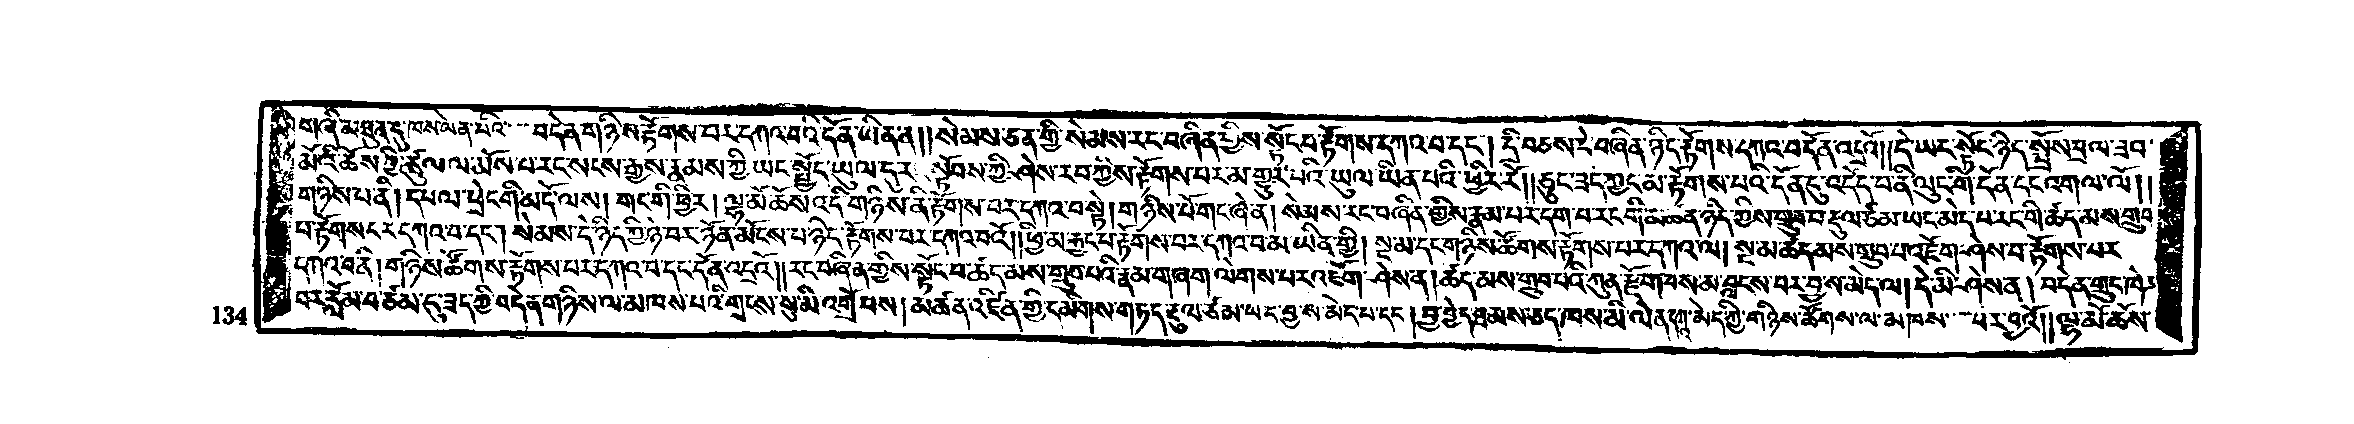གཞི་མཐུན་དུ་ཁས་ལེན་པའི་བདེན་གཉིས་རྟོགས་པར་དཀའ་བའི་དོན་ཡིན་ན། །སེམས་ཅན་གྱི་སེམས་རང་བཞིན་གྱིས་སྟོང་པ་རྟོགས་དཀའ་བ་དང་། དྲི་བཅས་དེ་བཞིན་ཉིད་རྟོགས་དཀའ་བ་དོན་འདྲའོ། །དེ་ཡང་སྟོང་ཉིད་སྤྲོས་བྲལ་ཟབ་
མོའི་ཆོས་ཀྱི་ཚུལ་ལ་མོས་པ་རང་སངས་རྒྱས་རྣམས་ཀྱི་ཡང་སྤྱོད་ཡུལ་དུ་རང་སྟོབས་ཀྱི་ཤེས་རབ་ཀྱིས་རྟོགས་པར་མ་གྱུར་པའི་ཡུལ་ཡིན་པའི་ཕྱིར་རོ། །ཅུང་ཟད་ཀྱང་མ་རྟོགས་པའི་དོན་དུ་འདོད་པ་ནི་ལུང་གི་དོན་དང་འགལ་ལོ། །
གཉིས་པ་ནི། དཔལ་ཕྲེང་གི་མདོ་ལས། གང་གི་ཕྱིར། ལྷ་མོ་ཆོས་འདི་གཉིས་ནི་རྟོགས་པར་དཀའ་བ་སྟེ། གཉིས་པོ་གང་ཞེ་ན། སེམས་རང་བཞིན་གྱིས་རྣམ་པར་དག་པ་རང་གི་མཚན་ཉིད་ཀྱིས་གྲུབ་པ་རྡུལ་ཙམ་ཡང་མེད་པ་རང་གི་ཚད་མས་གྲུབ་
པ་རྟོགས་པར་དཀའ་བ་དང་། སེམས་དེ་ཉིད་ཀྱི་ཉེ་བར་ཉོན་མོངས་པ་ཉིད་རྟོགས་པར་དཀའ་བའོ། །ཕྱི་མ་རྐྱང་པ་རྟོགས་པར་དཀའ་བ་མ་ཡིན་གྱི། སྔ་མ་དང་གཉིས་ཚོགས་རྟོགས་པར་དཀའ་ལ། སྔ་མ་ཚད་མས་གྲུབ་པ་འཇོག་ཤེས་པ་རྟོགས་པར་
དཀའ་བ་ནི། གཉིས་ཚོགས་རྟོགས་པར་དཀའ་བ་དང་དོན་འདྲའོ། །རང་བཞིན་གྱིས་སྟོང་པ་ཚད་མས་གྲུབ་པའི་རྣམ་གཞག་ལེགས་པར་འཇོག་ཤེས་ན། ཚད་མས་གྲུབ་པའི་ཀུན་རྫོབ་ཁས་མ་བླངས་པར་བྱ་ས་མེད་ལ། དེ་མི་ཤེས་ན། བདེན་གྲུབ་ཁེགས་
པར་རློམ་པ་ཙམ་དུ་ཟད་ཀྱི་བདེན་གཉིས་ལ་མཁས་པའི་གྲངས་སུ་མི་འགྲོ་བས། མཚན་འཛིན་གྱི་དམིགས་གཏད་རྡུལ་ཙམ་ཡང་བྱ་ས་མེད་པ་དང་། བྱ་བྱེད་ཐམས་ཅད་ཁས་མི་ལེན་དཀའ་མེད་ཀྱི་གཉིས་ཚོགས་ལ་མཁས་པར་བྱའོ། །ལྷ་མོ་ཆོས་